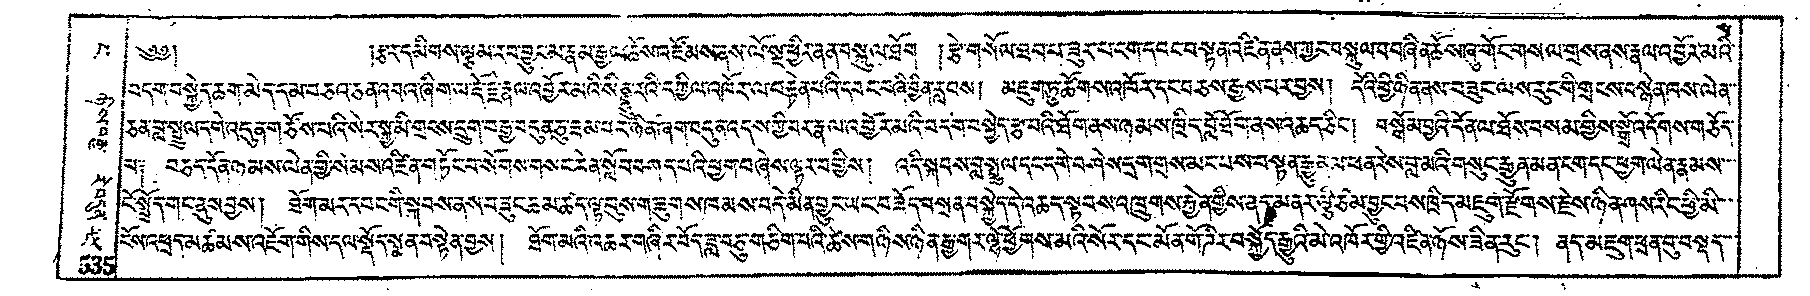༄༅། །རྩར་དམིགས་ལྕམ་རབ་བྱུང་མ་རྣམ་རྒྱལ་ཆོས་འཛོམས་ནས་ལོ་སྔ་ཕྱིར་ནན་བསྐུལ་ཐོག །རྩེ་གསོལ་ཐབ་པ་ཟུར་པ་ངག་དབང་བསྟན་འཛིན་ནས་ཀྱང་བསྐུལ་བ་བཞིན་ཆོས་ཞུ་གོང་གསལ་གྲས་ནས་རྣལ་འབྱོར་མའི་
བདག་བསྐྱེད་ཆག་མེད་དམ་བཅའ་ཅན་འབའ་ཞིག་ལ་རྡོ་རྗེ་རྣལ་འབྱོར་མའི་སིནྡྷུ་རའི་དཀྱིལ་འཁོར་ལ་བརྟེན་པའི་དབང་བཞི་བྱིན་རླབས། མཇུག་ཏུ་ཚོགས་འཁོར་དང་བཅས་རྒྱས་པར་བྱས། དེའི་ཕྱི་ཉིན་ནས་བཟུང་ལས་རུང་གི་གྲངས་བསྙེན་ཁས་ལེན་
ཅན་བླ་སྤྲུལ་དགེ་འདུན་གཙོས་པའི་སེར་སྐྱ་མི་གྲངས་དྲུག་བརྒྱ་བདུན་ཅུ་ཐམ་པར་ཉིན་ཞག་བདུན་འདས་ཀྱི་བར་རྣལ་འབྱོར་མའི་བདག་བསྐྱེད་རྩ་བའི་ཐོག་ནས་ཉམས་ཁྲིད་བློ་ཐོག་ནས་འཆད་ཅིང་། བསྒོམ་བྱའི་དོན་ལ་ཐོས་བསམ་གྱིས་སྒྲོ་འདོགས་གཅོད་
པ༑ བཅད་དོན་ཉམས་ལེན་གྱི་སེམས་འཛིན་གཏོང་བ་སོགས་གསང་ཆེན་སློབ་བཤད་པའི་ཕྱག་བཞེས་ལྟར་བགྱིས། འདི་སྐབས་བླ་སྤྲུལ་དང་དགེ་བཤེས་དྲག་གྲས་མང་པས་བསྟན་རྒྱུན་ལ་ཕན་རེས་བླ་མའི་གསུང་རྒྱུན་མན་ངག་དང་ཕྱག་ལེན་རྣམས་
ངོ་སྤྲོད་གང་ནུས་བྱས། ཐོག་མར་དབང་གི་སྐབས་ནས་བཟུང་ཆམ་ཚད་ལྟ་བུས་གཟུགས་ཁམས་བདེ་མིན་བྱུང་ཡང་བཟོད་བསྲན་བསྐྱེད་དེ་འཆད་སྟབས་འཁྲུགས་རྐྱེན་གྱིས་ནད་མནར་ལྕི་ཙམ་བྱུང་བས་ཁྲིད་མཇུག་རྫོགས་རྗེས་ཉིན་ཤས་རིང་ཕྱི་མི་
ངོས་འཕྲད་མཚམས་འཇོག་གིས་དལ་སྡོད་སྨན་བསྟེན་བྱས། ཐོག་མའི་འཆར་གཞིར་བོད་ཟླ་བཅུ་གཅིག་པའི་ཚེས་གཉིས་ཉིན་རྒྱ་གར་ལྷོ་ཕྱོགས་མའི་སོར་དང་མོན་གོ་ཌིར་བསྐྱོད་རྒྱུའི་མེ་འཁོར་གྱི་འཛིན་ཉོས་ཟིན་རུང་། ནད་མཇུག་ཕྲན་བུ་བསྡད་